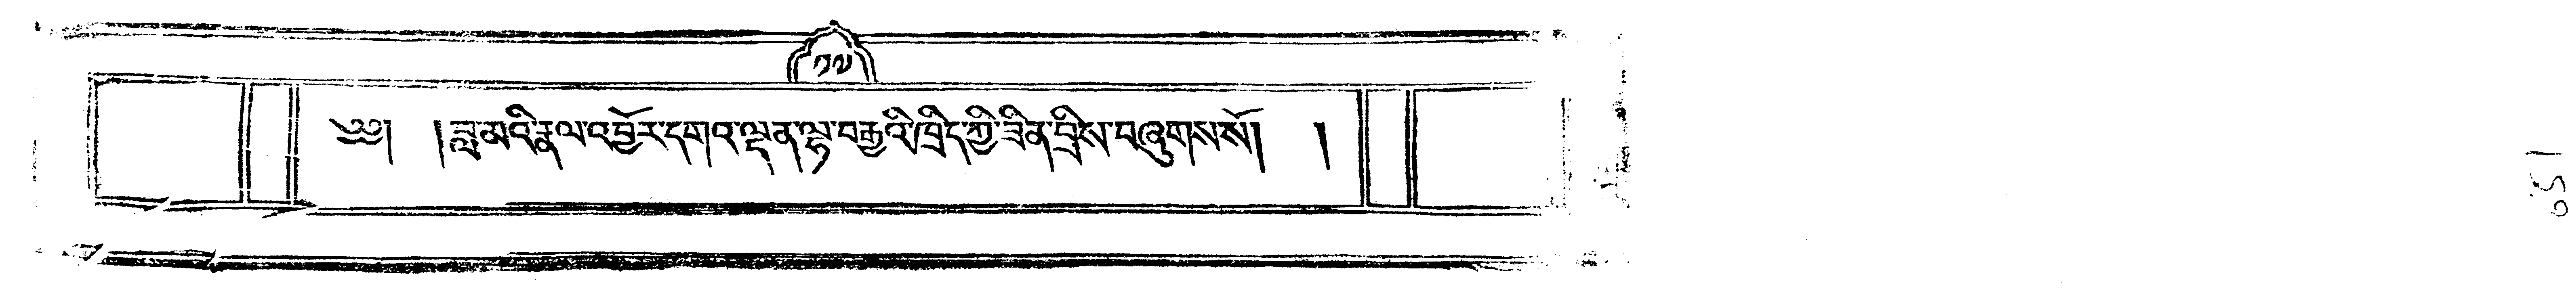༄༅། །བླ་མའི་རྣལ་འབྱོར་དགའ་ལྡན་ལྷ་བརྒྱའི་ཁྲིད་ཀྱི་ཟིན་བྲིས་བཞུགས་སོ། །